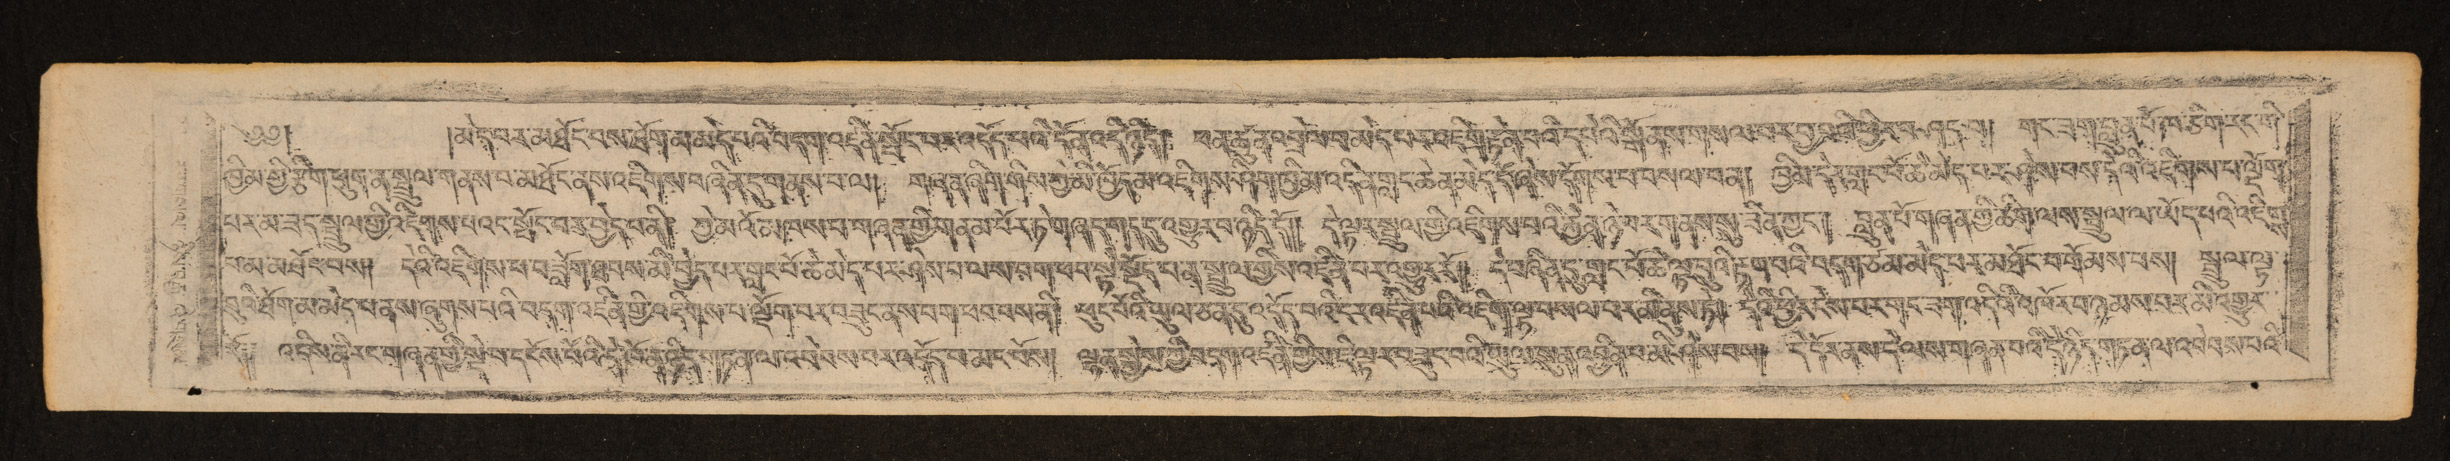༄༅། །མེད་པར་མཐོང་བས་ཐོག་མ་མེད་པའི་བདག་འཛིན་སྤོང་བར་འདོད་པའི་དོན་འདི་ཉིད། ཕན་ཚུན་འབྲེལ་པ་མེད་པར་འཇིག་རྟེན་པའི་དཔེའི་སྒོ་ནས་གསལ་བར་བྱ་བའི་ཕྱིར་བཤད་པ། གང་ཟག་བླུན་པོ་ཁ་ཅིག་རང་གི་
ཁྱིམ་གྱི་རྩིག་ཕུག་ན་སྦྲུལ་གནས་པ་མཐོང་ནས་འཇིགས་བཞིན་དུ་གནས་པ་ལ། གཞན་ཞིག་གིས་ཀྱེ་མི་ཁྱོད་མ་འཇིགས་ཤིག་ཁྱིམ་འདི་ན་གླང་ཆེན་མེད་དོ་ཞེས་དོགས་པ་བསལ་བ་ན། ཁྱིམ་དེར་གླང་པོ་ཆེ་མེད་པར་ཤེས་པས་དེའི་འཇིགས་པ་ལྡོག་
པར་མ་ཟད་སྦྲུལ་གྱི་འཇིགས་པའང་སྤོང་བར་བྱེད་པ་ནི། ཀྱེ་མའོ་མཁས་པ་གཞན་གྱི་གནམ་པོར་ཏེ་བཞད་གད་དུ་འགྱུར་བ་ཉིད་དོ།། དེ་ལྟར་སྦྲུལ་གྱི་འཇིགས་པའི་རྐྱེན་ཉེ་བར་གནས་སུ་ཟིན་ཀྱང་། བླུན་པོ་གཞན་གྱི་ཚིག་ལས་སྦྲུལ་ལ་ཡོད་པའི་འཇིགས་
པ་མ་མཐོང་བས། དེའི་འཇིགས་པ་བཟློག་ཐབས་མི་བྱེད་པར་གླང་པོ་ཆེ་མེད་པར་ཤེས་པ་ལས་བག་ཕབ་སྟེ་སྡོད་པ་ན་སྦྲུལ་གྱིས་འཛིན་པར་འགྱུར་རོ།། དེ་བཞིན་དུ་གླང་པོ་ཆེ་ལྟ་བུའི་རྟག་པའི་བདག་ཙམ་མེད་པར་མཐོང་བ་གོམས་པས། སྦྲུལ་ལྟ་
བུའི་ཐོག་མ་མེད་པ་ནས་ཞུགས་པའི་བདག་འཛིན་གྱི་འཇིགས་པ་ལྡོག་པ་བཟུང་ནས་བག་ཕབ་པས་ནི། ཕུང་པོའི་ཡུལ་ཅན་དུ་འདོད་པའི་ངར་འཛིན་པའི་འཇིག་ལྟ་བསལ་བར་མི་ནུས་ཏེ། དེའི་ཕྱིར་ངེས་པར་གང་ཟག་འདིའི་འཁོར་བ་ཉམས་བར་མི་འགྱུར་
རོ༑༑ འདིས་ནི་རང་གཞན་གྱི་སྡེ་པ་དངོས་པོའི་དེ་ཁོ་ན་ཉིད་གཏན་ལ་འབེབས་པར་འདོད་པ་མང་པོས། ལྷན་སྐྱེས་ཀྱི་བདག་འཛིན་གྱིས་ཇི་ལྟར་བཟུང་བའི་ཡུལ་སུན་འབྱིན་པ་མི་ཤེས་པས། དེ་དོར་ནས་དེ་ལས་གཞན་པའི་དེ་ཉིད་གཏན་ལ་འབེབས་པའི་